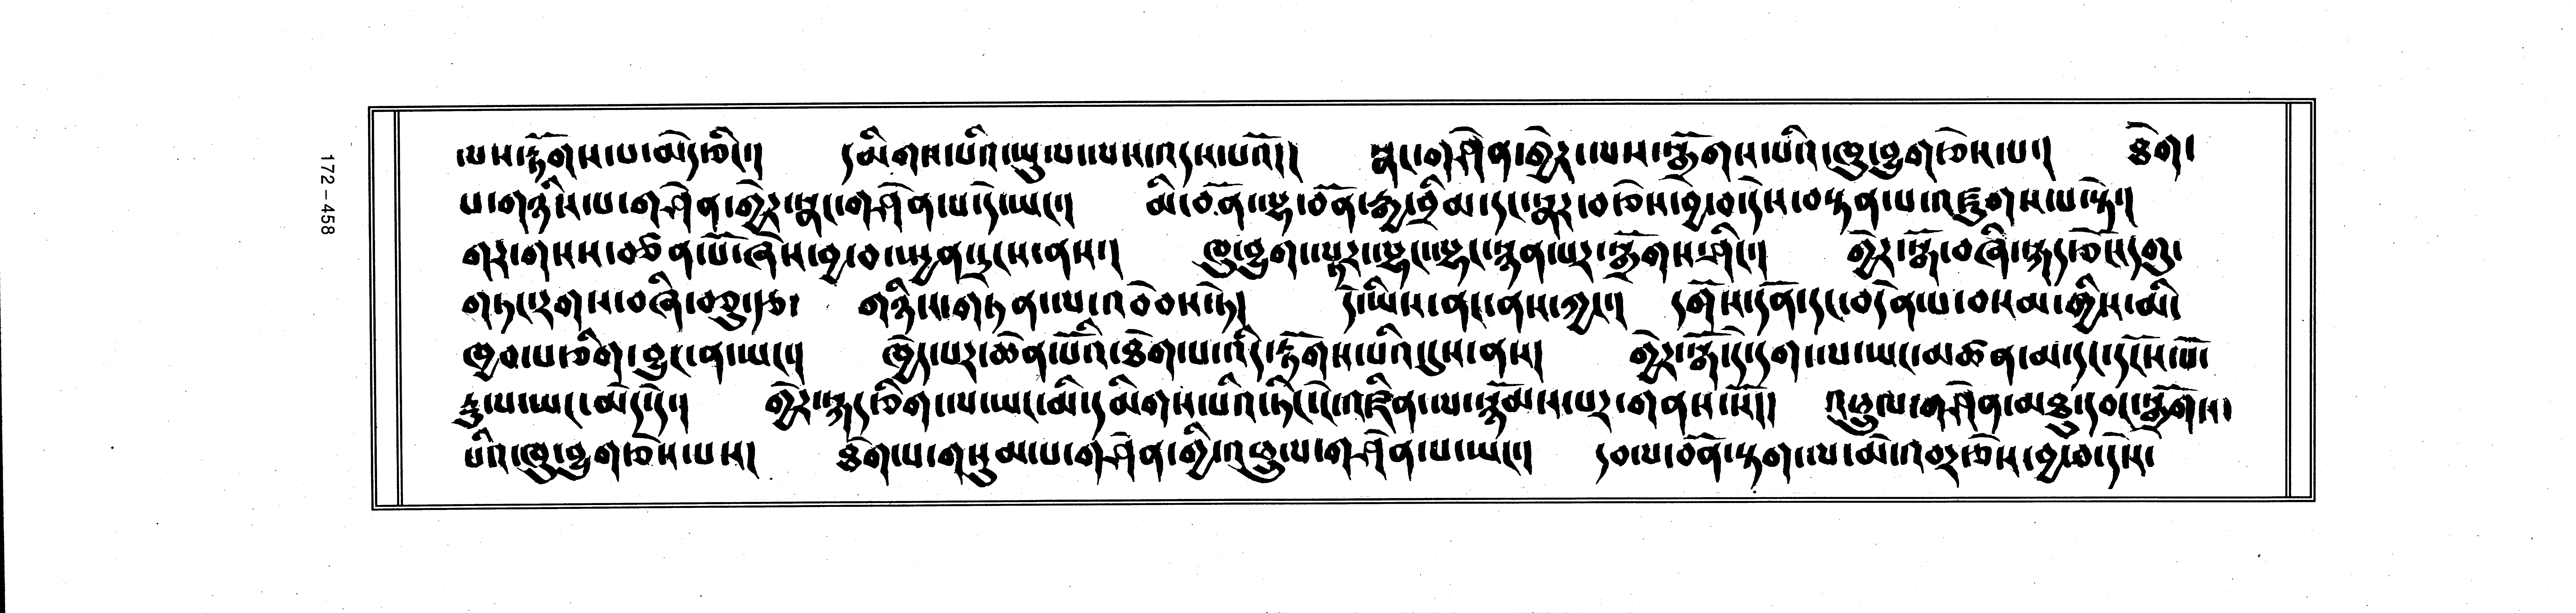རྟོགས་པ་མེད་ཅིང་། དམིགས་པའི་ཡུལ་ལས་འདས་པའོ། སྣང་གཤེན་གྱེར་ལས་སྒྲོགས་པའི་ཁུ་བྱུག་ཅེས་པ། ཐེག་
པ་གཉིས་པ་གཤེན་གྱེར་སྣང་གཤེན་པ་དེ་ཡང་། མི་བོན་ལྷ་བོན་རྒྱ་བྲིམ་དང་སྣར་བ་ཅེས་བྱ་བ་དེས་བསྟན་པ་འཛུགས་པ་སྟེ། 
གར་གསས་བཙན་པོ་ཞེས་བྱ་བ་སྤྱན་དྲངས་ནས། ཁུ་བྱུག་ལྟར་ལྷང་ལྷང་སྙན་པར་སྒྲོགས་ཤིང་། གྱེར་སྒོ་བཞི་སྐད་ཅོས་དགུ་
གཏང་རགས་བཞི་བཅུ་རྩ། གཉིས་གཏན་ལ་འབེབས་ཏེ། དེ་ཡིས་ནང་ནས་ཀྱང་། དགོས་དོན་དང་བདེན་པ་བསམ་གྱིས་མི་
ཁྱ་པ་ཅིག་བྱུང་ན་ཡང་། ཁྱེད་པར་ཆེན་པོའི་ཐེག་པ་འདི་རྟོགས་པའི་དུས་ནས། གྱེར་སྒོ་དེ་དག་ལ་ཡང་མཚན་མ་དང་དངོས་པོ་
རྡུལ་ཡང་མེད་དེ། གྱེར་སྐད་ཅིག་ལ་ཡང་མི་དམིགས་པའི་ཏིང་ངེ་འཛིན་ལ་སྙོམས་པར་གནས་སོ། འཕྲུལ་གཤེན་མཐུ་དབང་སྒྲོགས་
པའི་ཁུ་བྱུག་ཅེས་པས། ཐེག་པ་གསུམ་པ་གཤེན་གྱི་འཕྲུལ་གཤེན་པ་ཡང་། དབལ་བོན་སྟག་ལ་མེ་འབར་ཅེས་བྱ་བ་དེས་